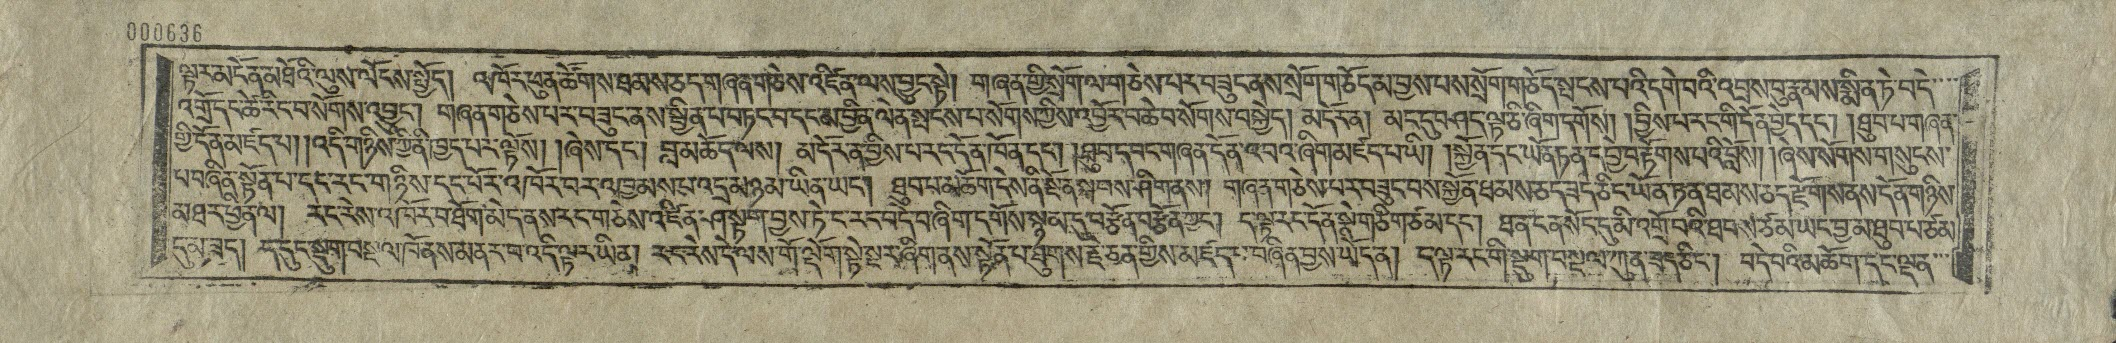ལྟར་མངོན་མཐོའི་ལུས་ལོངས་སྤྱོད། འཁོར་ཕུན་ཚོགས་ཐམས་ཅད་གཞན་གཅེས་འཛིན་ལས་བྱུང་སྟེ། གཞན་གྱི་སྲོག་ལ་གཅེས་པར་བཟུང་ནས་སྲོག་གཅོད་མ་བྱས་པས་སྲོག་གཅོད་སྤངས་པའི་དགེ་བའི་འབྲས་བུ་རྣམས་སྨིན་ཏེ་བདེ་
འགྲོ་དང་ཚེ་རིང་བ་སོགས་འབྱུང་། གཞན་གཅེས་པར་བཟུང་ནས་སྦྱིན་པ་བཏང་བ་དང་མ་བྱིན་ལེན་སྤངས་པ་སོགས་ཀྱིས་འབྱོར་བ་ཆེ་བ་སོགས་བསྐྱེད། མདོར་ན། མང་དུ་བཤད་ལྟ་ཅི་ཞིག་དགོས། །བྱིས་པ་རང་གི་དོན་བྱེད་དང་། །ཐུབ་པ་གཞན་
གྱི་དོན་མཛད་པ། །འདི་གཉིས་ཀྱི་ནི་ཁྱད་པར་ལྟོས། །ཞེས་དང་། བླ་མཆོད་ལས། མདོར་ན་བྱིས་པ་རང་དོན་ཁོ་ན་དང་། །ཐུབ་དབང་གཞན་དོན་འབའ་ཞིག་མཛད་པ་ཡི། །སྐྱོན་དང་ཡོན་ཏན་དབྱེ་བ་རྟོགས་པའི་བློས། །ཞེས་སོགས་གསུངས་
པ་བཞིན་སྟོན་པ་དང་རང་གཉིས་དང་པོར་འཁོར་བར་འཁྱམས་པ་འདྲ་མཉམ་ཡིན་ཡང་། ཐུབ་པ་མཆོག་དེས་ནི་སྔོན་སྐབས་ཤིག་ནས། གཞན་གཅེས་པར་བཟུང་བས་སྐྱོན་ཐམས་ཅད་ཟད་ཅིང་ཡོན་ཏན་ཐམས་ཅད་རྫོགས་ནས་དོན་གཉིས་
མཐར་ཕྱིན་ལ། རང་རེས་འཁོར་བ་ཐོག་མེད་ནས་རང་གཅེས་འཛིན་ཤ་སྟག་བྱས་ཏེ་ང་རང་བདེ་བ་ཞིག་དགོས་སྙམ་དུ་བརྩོན་བརྩོན་ཀྱང་། ད་ལྟ་རང་དོན་སྣེ་གཅིག་ཙམ་དང་། ཐ་ན་ངན་སོང་དུ་མི་འགྲོ་བའི་ཐབས་ཙམ་ཡང་བྱ་མ་ཐུབ་པ་ཙམ་
དུ་མ་ཟད། ད་དུང་སྡུག་བསྔལ་ཁོ་ནས་མནར་བ་འདི་ལྟར་ཡིན། རང་རེས་དེ་ལས་གོ་ལྡོག་སྟེ་སྔར་ཞིག་ནས་སྟོན་པ་ཐུགས་རྗེ་ཅན་གྱིས་མཛད་པ་བཞིན་བྱས་ཡོད་ན། ད་ལྟ་རང་གི་སྡུག་བསྔལ་ཀུན་ཟད་ཅིང་། བདེ་བའི་མཆོག་དང་ལྡན་